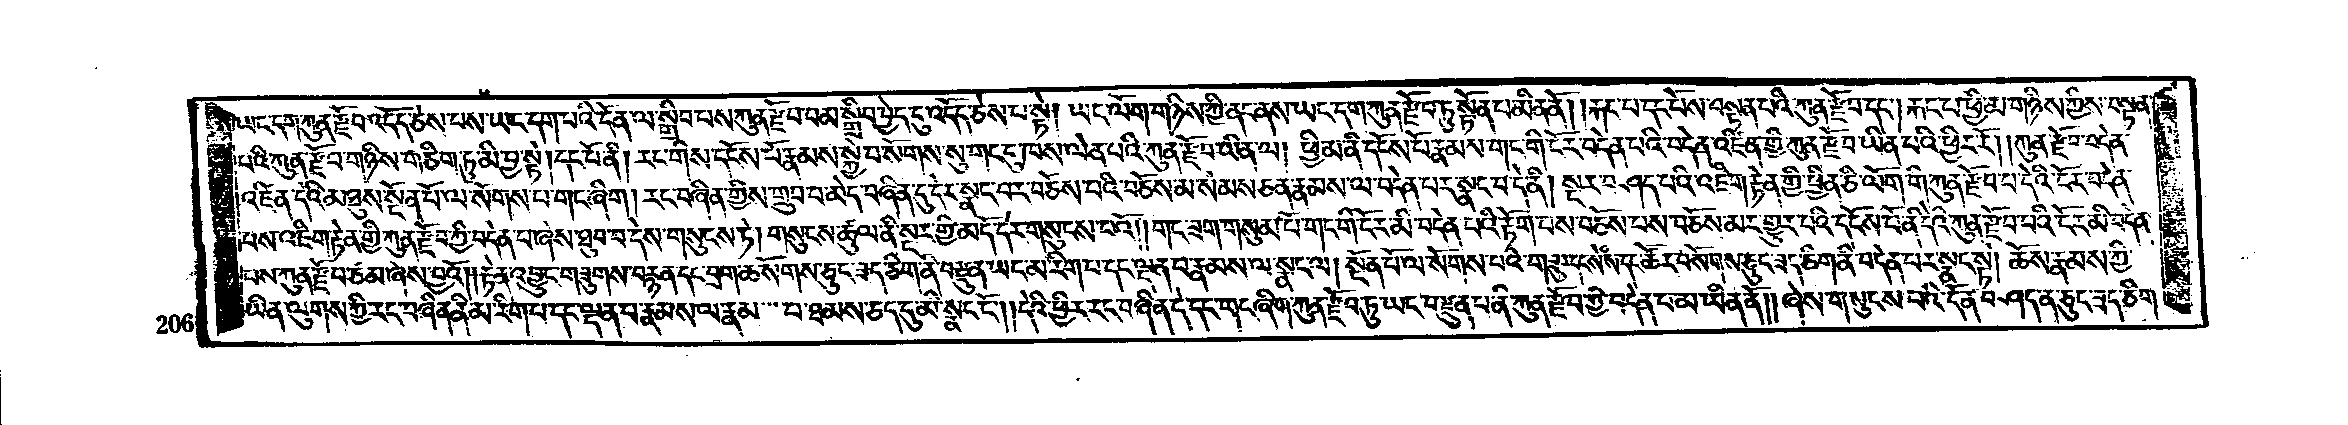ཡང་དག་ཀུན་རྫོབ་འདོད་ཅེས་པས་ཡང་དག་པའི་དོན་ལ་སྒྲིབ་པས་ཀུན་རྫོབ་བམ་སྒྲིབ་བྱེད་དུ་འདོད་ཅེས་པ་སྟེ། ཡང་ལོག་གཉིས་ཀྱི་ནང་ནས་ཡང་དག་ཀུན་རྫོབ་ཏུ་སྟོན་པ་མིན་ནོ། །རྐང་པ་དང་པོས་བསྟན་པའི་ཀུན་རྫོབ་དང་། རྐང་པ་ཕྱི་མ་གཉིས་ཀྱིས་བསྟན་
པའི་ཀུན་རྫོབ་གཉིས་གཅིག་ཏུ་མི་བྱ་སྟེ། དང་པོ་ནི། རང་གིས་དངོས་པོ་རྣམས་སྐྱེ་བ་སོགས་སུ་གང་དུ་ཁས་ལེན་པའི་ཀུན་རྫོབ་ཡིན་ལ། ཕྱི་མ་ནི་དངོས་པོ་རྣམས་གང་གི་ངོར་བདེན་པའི་བདེན་འཛིན་གྱི་ཀུན་རྫོབ་ཡིན་པའི་ཕྱིར་རོ། །ཀུན་རྫོབ་བདེན་
འཛིན་དེའི་མཐུས་སྔོན་པོ་ལ་སོགས་པ་གང་ཞིག །རང་བཞིན་གྱིས་གྲུབ་པ་མེད་བཞིན་དུ་དེར་སྣང་བར་བཅོས་པའི་བཅོས་མ་སེམས་ཅན་རྣམས་ལ་བདེན་པར་སྣང་བ་དེ་ནི། སྔར་བཤད་པའི་འཇིག་རྟེན་གྱི་ཕྱིན་ཅི་ལོག་གི་ཀུན་རྫོབ་པ་དེའི་ངོར་བདེན་
པས་འཇིག་རྟེན་གྱི་ཀུན་རྫོབ་ཀྱི་བདེན་པ་ཞེས་ཐུབ་པ་དེས་གསུངས་ཏེ། གསུངས་ཚུལ་ནི་སྔར་གྱི་མདོ་དེར་གསུངས་པའོ། །གང་ཟག་གསུམ་པོ་གང་གི་ངོར་མི་བདེན་པའི་རྟོག་པས་བཅོས་པས་བཅོས་མར་གྱུར་པའི་དངོས་པོ་ནི་དེའི་ཀུན་རྫོབ་པའི་ངོར་མི་བདེན་
པས་ཀུན་རྫོབ་ཙམ་ཞེས་བྱའོ། །རྟེན་འབྱུང་གཟུགས་བརྙན་དང་བྲག་ཆ་སོགས་ཅུང་ཟད་ཅིག་ནི་བརྫུན་ཡང་མ་རིག་པ་དང་ལྡན་པ་རྣམས་ལ་སྣང་ལ། སྔོན་པོ་ལ་སོགས་པའི་གཟུགས་དང་སེམས་དང་ཚོར་བ་སོགས་ཅུང་ཟད་ཅིག་ནི་བདེན་པར་སྣང་སྟེ། ཆོས་རྣམས་ཀྱི་
ཡིན་ལུགས་ཀྱི་རང་བཞིན་ནི་མ་རིག་པ་དང་ལྡན་པ་རྣམས་ལ་རྣམ་པ་ཐམས་ཅད་དུ་མི་སྣང་ངོ། །དེའི་ཕྱིར་རང་བཞིན་དེ་དང་གང་ཞིག་ཀུན་རྫོབ་ཏུ་ཡང་བརྫུན་པ་ནི་ཀུན་རྫོབ་ཀྱི་བདེན་པ་མ་ཡིན་ནོ། །ཞེས་གསུངས་པའི་དོན་བཤད་ན་ཅུང་ཟད་ཅིག་